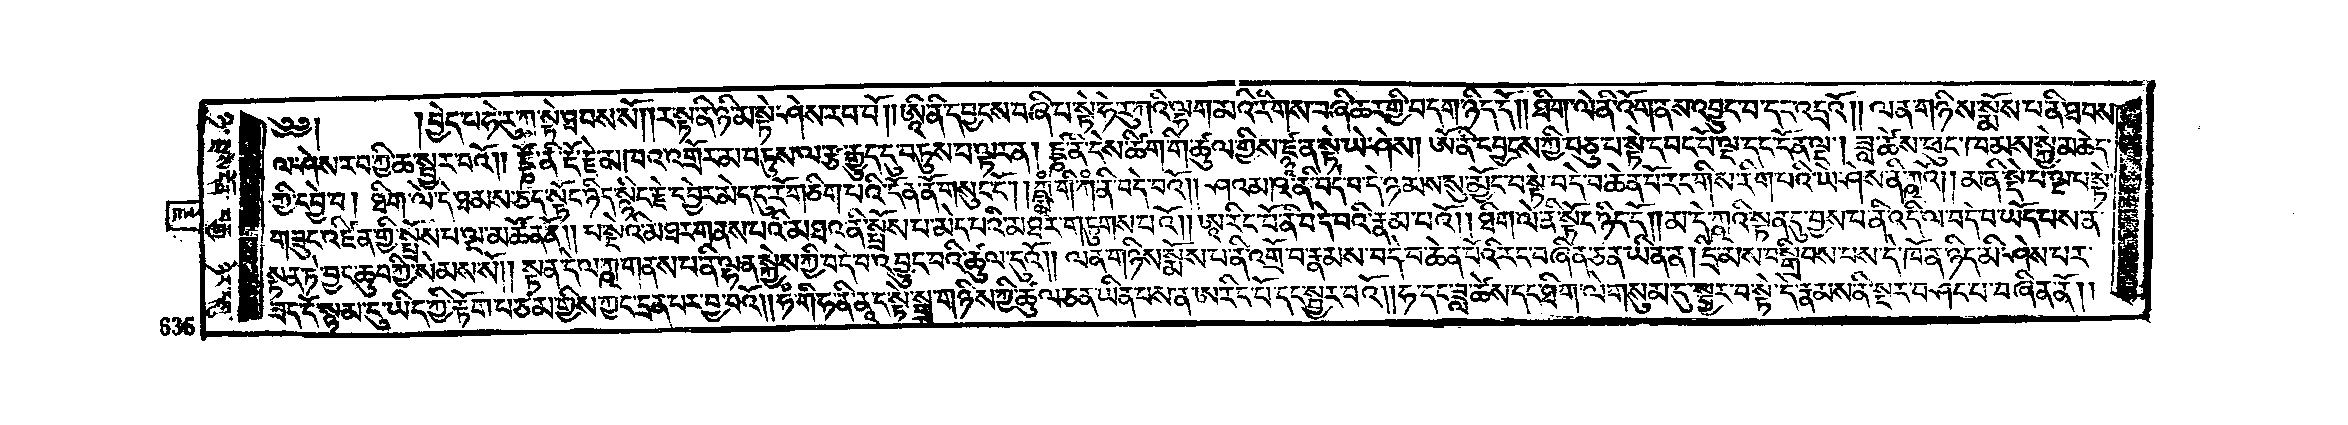༄༅། །བྱེད་པ་ཧེ་རུ་ཀ་སྟེ་ཐབས་སོ། །ར་སྟ་ནི་ཉི་མ་སྟེ་ཤེས་རབ་བོ། །ཨཱི་ནི་དབྱངས་བཞི་པ་སྟེ་ཧེ་རུ་ཀའི་ལྷག་མའི་རིགས་བཞི་ཆར་གྱི་བདག་ཉིད་དོ། །ཐིག་ལེ་ནི་འོག་ནས་འབྱུང་བ་དང་འབྲའོ། །ལན་གཉིས་སྨོས་པ་ནི་ཐབས་
ལ་ཤེས་རབ་ཀྱི་ཆ་སྦྱར་བའོ། །ཛྞཽཾ་ནི་རྡོ་རྗེ་མཁའ་འགྲོར་མ་བཏུས་ལ་རྩ་རྒྱུད་དུ་བཏུས་པ་ལྟར་ན། ཛྞ་ནི་དེས་ཚིག་གི་ཚུལ་གྱིས་ཛྙཱ་ན་སྟེ་ཡེ་ཤེས། ཨོ་ནི་དབྱངས་ཀྱི་བཅུ་པ་སྟེ་དབང་པོ་ལྔ་དང་དོན་ལྔ། ཟླ་ཚེས་ཕུང་ཁམས་སྐྱེ་མཆེད་
ཀྱི་དབྱེ་བ། ཐིག་ལེ་དེ་ཐམས་ཅད་སྟོང་ཉིད་སྙིང་རྗེ་དབྱེར་མེད་དུ་རོ་གཅིག་པའི་དོན་ནོ་གསུང་ངོ། །ཀྵྨཱཾ་གི་ཀཾ་ནི་བདེ་བའོ། །ཤའམ་ཥ་ནི་བདེ་བ་དེ་ཉམས་སུ་མྱོང་བ་སྟེ་བདེ་བ་ཆེན་པོ་རང་གིས་རིག་པའི་ཡེ་ཤེས་ནི་ཀྵའོ། །མ་ནི་སྡེ་པ་ལྔ་པ་སྟེ་
གཟུང་འཛིན་གྱི་སྤྲོས་པ་ལྔ་མཚོན་ནོ། །པ་སྡེའི་མཐར་གནས་པའི་མཐའ་ནི་སྤྲོས་པ་མེད་པའི་མཐར་གཏུགས་པའོ། །ཨཱ་རིང་པོ་ནི་བདེ་བའི་རྣམ་པའོ། །ཐིག་ལེ་ནི་སྟོང་ཉིད་དོ། །མ་དེ་ཀྵའི་སྟན་དུ་བྱས་པ་ནི་འདི་ལ་བདེ་བ་ཡོད་པས་ན་
སྟན་ཏེ་བྱང་ཆུབ་ཀྱི་སེམས་སོ། །སྟན་དེ་ལ་ཀྵ་གནས་པ་ནི་ལྷན་སྐྱེས་ཀྱི་བདེ་བ་འབྱུང་བའི་ཚུལ་དུའོ། །ལན་གཉིས་སྨོས་པ་ནི་འགྲོ་བ་རྣམས་བདེ་བ་ཆེན་པོའི་རང་བཞིན་ཅན་ཡིན་ན། དྲི་མས་བསྒྲིབས་པས་དེ་ཁོ་ན་ཉིད་མི་ཤེས་པར་
ཟད་དོ་སྙམ་དུ་ཡིད་ཀྱི་རྟོག་པ་ཙམ་གྱིས་ཀྱང་དྲན་པར་བྱ་བའོ། །ཧཾ་གི་ཧ་ནི་ནཱ་ད་སྟེ་སྒྲ་གཉིས་ཀྱི་ཚུལ་ཅན་ཡིན་པས་ན་ཨ་རིང་པོ་དང་སྦྱར་བའོ། །ཧ་དང་ཟླ་ཚེས་དང་ཐིག་ལེ་གསུམ་དུ་སྦྱར་བ་སྟེ་དེ་རྣམས་ནི་སྔར་བཤད་པ་བཞིན་ནོ། །